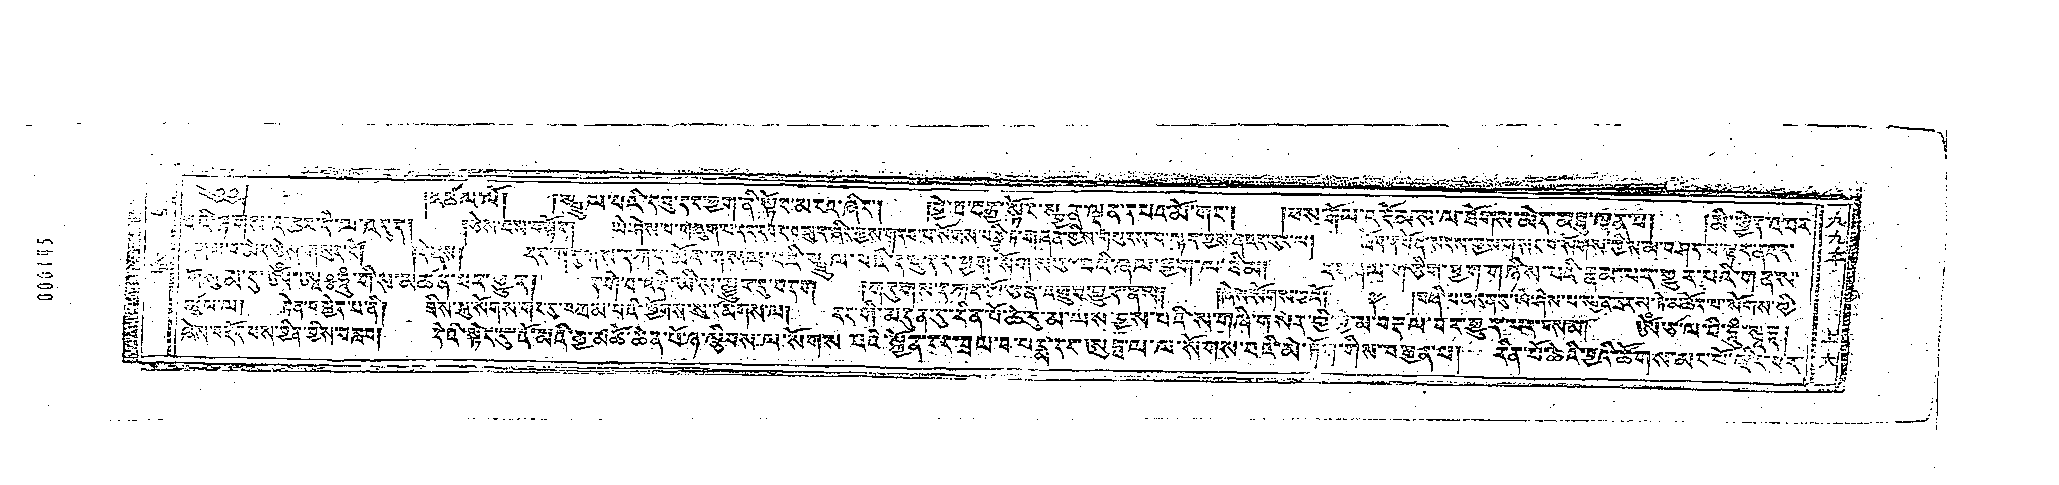༄༅། །འཚལ་ལོ། །སྤྲུལ་པའི་དབུ་དང་ཕྱག་ནི་སྟོང་མངའ་ཞིང་། །བྱེ་བ་བརྒྱ་སྟོང་སྤྱན་ལྡན་དཔའ་མོ་གང་། །ཕས་རྒོལ་འཇོམས་ལ་ཐོགས་མེད་མཐུ་ལྡན་པ། །མི་ཕྱེད་འབར་
བའི་རྟགས་འཆང་དེ་ལ་འདུད། །ཅེས་པས་བསྟོད། ཡེ་ཤེས་པ་གཞུག་པ་དང་དབང་བསྐུར་ཞིང་རྒྱས་གདབ་པ་སོགས་པཎྚི་ཏ་གཞན་གྱིས་གསུངས་པ་ལྟར་བྱས་ནའང་རུང་ལ། སློབ་དཔོན་སངས་རྒྱས་གསང་བ་སོགས་ཀྱིས་མ་བཤད་བ་ལྟར་ནའང་
འགལ་བ་མེད་ཅེས་གསུང་ངོ། །དེ་ནས། རང་གདུགས་དཀར་མོར་གསལ་བའི་སྤྲུལ་པའི་དབུ་དང་ཕྱག་སོགས་རྩ་བའི་ཞལ་ཕྱག་ལ་ཐིམ། རང་ཞལ་གཅིག་ཕྱག་གཉིས་པའི་རྣམ་པར་གྱུར་པའི་གནས་
གསུམ་དུ་ཨོཾ་ཨཱཿ་ཧཱུཾ་གིས་མཚན་པར་གྱུར། དགེ་བ་འདི་ཡིས་མྱུར་དུ་བདག །གདུགས་དཀར་མོ་ཅན་འགྲུབ་གྱུར་ནས། །ཞེས་སོགས་བྱའོ། ༈ །བཞི་པ་མདུན་དུ་ཡེ་ཤེས་པ་སྤྱན་དྲངས་ཏེ་མཆོད་པ་སོགས་ཀྱི་
ཚུལ་ལ། རྟེན་བསྐྱེད་པ་ནི། བྲིས་སྐུ་སོགས་གང་ཏུ་བཀྲམ་པའི་ཕྱོགས་སུ་དམིགས་ལ། རང་གི་མདུན་དུ་རིན་པོ་ཆེ་དུ་མ་ལས་བྱས་པའི་ས་གཞི་གསེར་གྱི་བྱེ་མ་བརྡལ་བར་གྱུར་པར་བསམ། ཨོཾ་ཙ་ལ་བི་ཧཱུཾ་སྭཱཧཱ།
ཞེས་བརྗོད་པས་བྱིན་གྱིས་བརླབ། དེའི་སྟེང་དུ་འོ་མའི་རྒྱ་མཚོ་ཆེན་པོ་ཉ་ལྕིབས་ལ་སོགས་པའི་སྐྱོན་དང་བྲལ་བ་པདམ་དང་ཨུཏྤ་ལ་ལ་སོགས་པའི་མེ་ཏོག་གིས་བརྒྱན་པ། རིན་པོ་ཆེའི་བྱའི་ཚོགས་མང་པོ་ལྡིང་བར་